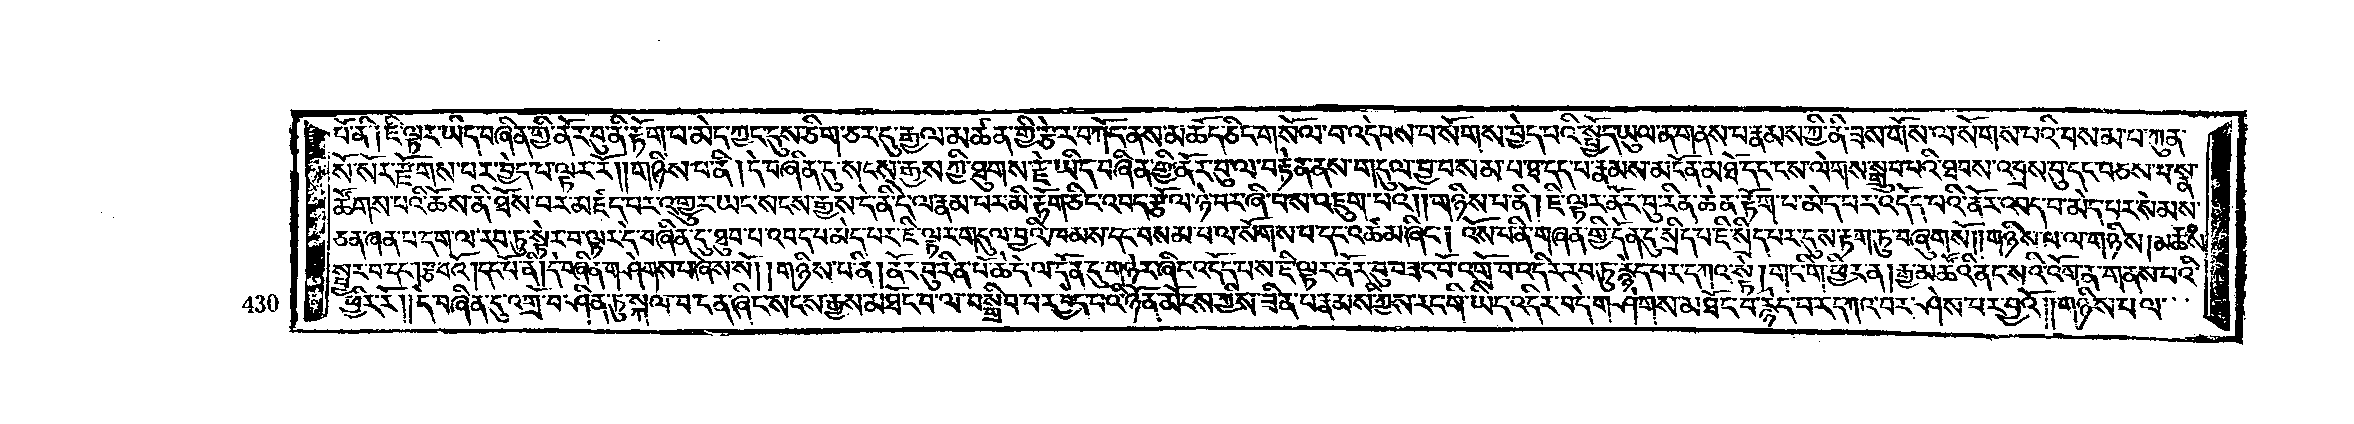པོ་ནི། ཇི་ལྟར་ཡིད་བཞིན་གྱི་ནོར་བུ་ནི་རྟོག་པ་མེད་ཀྱང་དུས་ཅིག་ཅར་དུ་རྒྱལ་མཚན་གྱི་རྩེར་བཀོད་ནས་མཆོད་ཅིང་གསོལ་བ་འདེབས་པ་སོགས་བྱེད་པའི་སྤྱོད་ཡུལ་ན་གནས་པ་རྣམས་ཀྱི་ནི་ཟས་གོས་ལ་སོགས་པའི་བསམ་པ་ཀུན་
སོ་སོར་རྫོགས་པར་བྱེད་པ་ལྟར་རོ། །གཉིས་པ་ནི། དེ་བཞིན་དུ་སངས་རྒྱས་ཀྱི་ཐུགས་རྗེ་ཡིད་བཞིན་གྱི་ནོར་བུ་ལ་བརྟེན་ནས་གདུལ་བྱ་བསམ་པ་ཐ་དད་པ་རྣམས་མངོན་མཐོ་དང་ངས་ལེགས་སྒྲུབ་པའི་ཐབས་འབྲས་བུ་དང་བཅས་པ་སྣ་
ཚོགས་པའི་ཆོས་ནི་ཐོས་པར་མཛད་པར་འགྱུར་ཡང་སངས་རྒྱས་དེ་ནི་དེ་ལ་རྣམ་པར་མི་རྟོག་ཅིང་འབད་རྩོལ་ཉེ་བར་ཞི་བས་འཇུག་པའོ། །གཉིས་པ་ནི། ཇི་ལྟར་ནོར་བུ་རིན་ཆེན་རྟོག་པ་མེད་པར་འདོད་པའི་ནོར་འབད་པ་མེད་པར་སེམས་
ཅན་ཞན་པ་དག་ལ་རབ་ཏུ་སྟེར་བ་ལྟར་དེ་བཞིན་དུ་ཐུབ་པ་འབད་པ་མེད་པར་ཇི་ལྟར་གདུལ་བྱའི་ཁམས་དང་བསམ་པ་ལ་སོགས་པ་དང་འཚམ་ཞིང་། འོས་པ་ནི་གཞན་གྱི་དོན་དུ་སྲིད་པ་ཇི་སྲིད་པར་དུས་རྟག་ཏུ་བཞུགས་སོ། །གཉིས་པ་ལ་གཉིས། མཚོམས་
སྦྱར་བ་དང་། རྩ་བའོ། །དང་པོ་ནི། དེ་བཞིན་གཤེགས་པ་ཞེས་སོ། །གཉིས་པ་ནི། ནོར་བུ་རིན་པོ་ཆེ་དེ་ལ་དོན་དུ་གཉེར་ཞིང་འདོད་པས་ཇི་ལྟར་ནོར་བུ་བཟང་པོ་འགྲོ་བ་འདིར་རབ་ཏུ་རྙེད་པར་དཀའ་སྟེ། གང་གི་ཕྱིར་ན། རྒྱ་མཚོའི་ནང་སའི་འོག་ན་གནས་པའི་
ཕྱིར་རོ། །དེ་བཞིན་དུ་འགྲོ་བ་ཤིན་ཏུ་སྐལ་བ་ངན་ཞིང་སངས་རྒྱས་མཐོང་བ་ལ་བསྒྲིབ་པར་བྱེད་པའི་ཉོན་མོངས་ཀྱིས་ཟིན་པ་རྣམས་ཀྱིས་རང་གི་ཡིད་འདིར་བདེ་གཤེགས་མཐོང་བ་རྙེད་པར་དཀའ་བར་ཤེས་པར་བྱའོ། །གཉིས་པ་ལ་